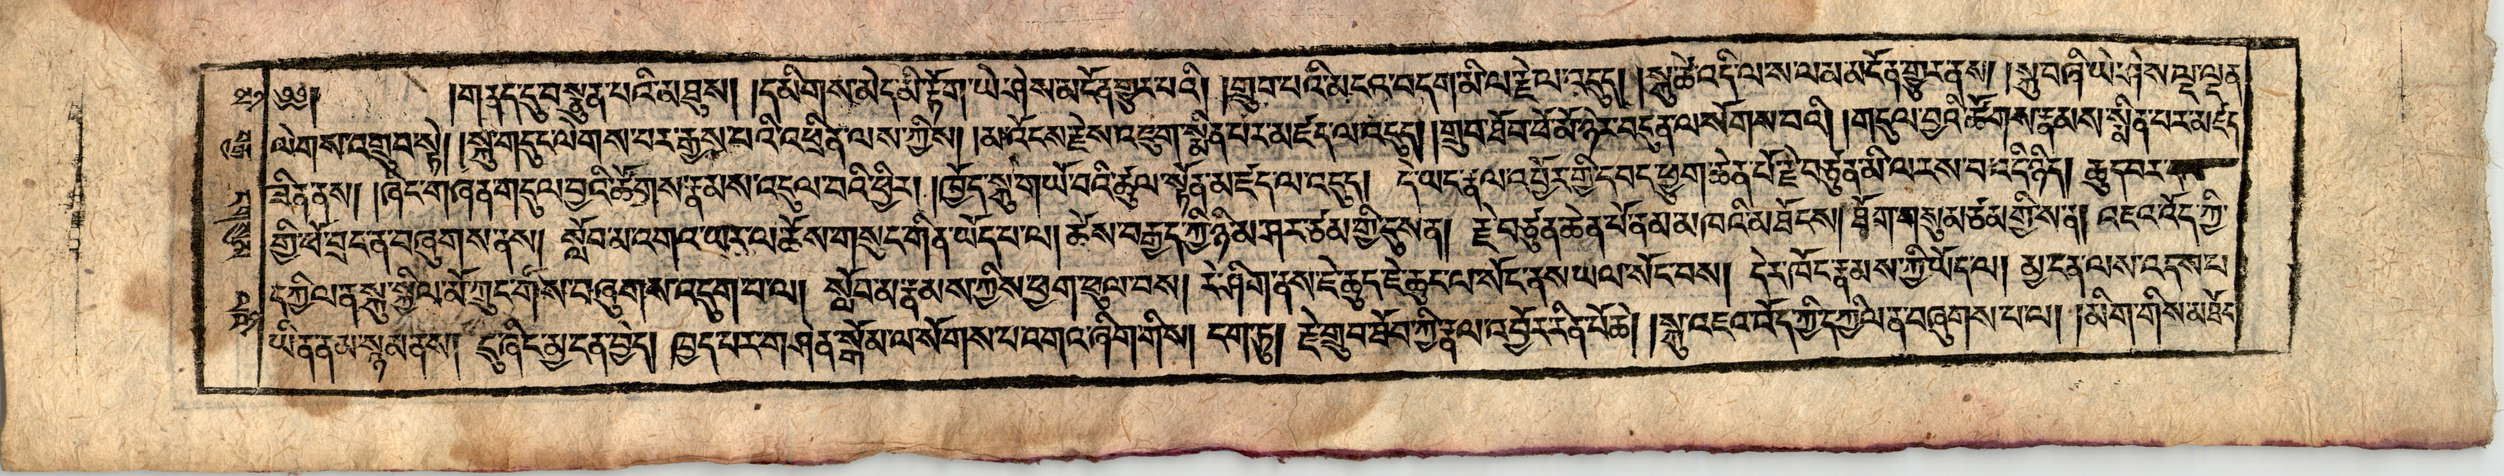གནད་དུ བསྣུན་པའི་མཐུས། །དམིགས་མེད་མི་རྟོག་ཡེ་ཤེས་མངོན་གྱུར་པའི། །ཐུབ་པའི་མངའ་བདག་མི་ལ་རྗེ་ལ་འདུད། །སྐུ་ཚེ་འདི་ལ་ས་ལམ་མངོན་གྱུར་ནས། །སྐུ་བཞི་ཡེ་ཤེས་ལྔ་ལྡན་
ལེགས་འགྲུབ་སྟེ། །སྐུ་གདུང་ལེགས་པར་རྒྱས་པའི་འཕྲིན་ལས་ཀྱིས། །མ་འོངས་རྗེས་འཇུག་སྨིན་པར་མཛད་ལ་འདུད། །གྲུབ་ཐོབ་ཕོ་མོ་ཉེར་བདུན་ལ་སོགས་པའི། །གདུལ་བྱའི་ཚོགས་རྣམས་སྨིན་པར་མཛད
ཟིན་ནས། །ཞིང་གཞན་གདུལ་བྱའི་ཚོགས་རྣམས་འདུལ་བའི་ཕྱིར། །ཁྱོད་སྐུ་གཡོ་བའི་ཚུལ་སྟོན་མཛད་ལ་འདུད། དེ་ཡང་རྣལ་འབྱོར་གྱི་དབང་ཕྱུག་ཆེན་པོ་རྗེ་བཙུན་མི་ལ་རས་པ་འདི་ཉིད། ཆུ་དབར་
གྱི་ཕོ་བྲང་ན་བཞུགས་ནས། སློབ་མ་འགའ་ཡར་ལ་ཆོས་གསུང་གིན་ཡོད་པ་ལ། ཚེས་བརྒྱད་ཀྱི་ཉ་མ་ཤར་ཙམ་གྱི་དུས་ན། རྗེ་བཙུན་ཆེན་པོ་ནམ་མཁའི་མཐོངས། ཐོག་གསུམ་ཙམ་གྱིས། འཇའ་འོད་ཀྱི་
དཀྱིལ་ན་སྐུ་སྐྱིལ་མོ་ཀྲུང་གིས་བཞུགས་འདུག་པ་ལ། སློབ་མ་རྣམས་ཀྱིས་ཕྱག་ཕུལ་བས། རེ་ཤིག་ནས་ཇེ་ཆུང་ཇེ་ཆུང་ལ་སོང་ནས་ཡལ་སོང་བས། དེར་ཁོང་རྣམས་ཀྱི་ཡིད་ལ། མྱ་ངན་ལས་འདས་པ་
ཡིན་ནམ་སྙམ་ནས། ངུ་ཞིང་མྱ་ངན་བྱེད། ཁྱད་པར་གཤེན་སྒོམ་ལ་སོགས་པ་འགའ་ཞིག་གིས། ངག་ཏུ། རྗེ་གྲུབ་ཐོབ་ཀྱི་རྣལ་འབྱོར་རིན་པོ་ཆེ། །སྐུ་འཇའ་འོད་ཀྱི་དཀྱིལ་ན་བཞུགས་པ་ལ། །མིག་གིས་མཐོང་